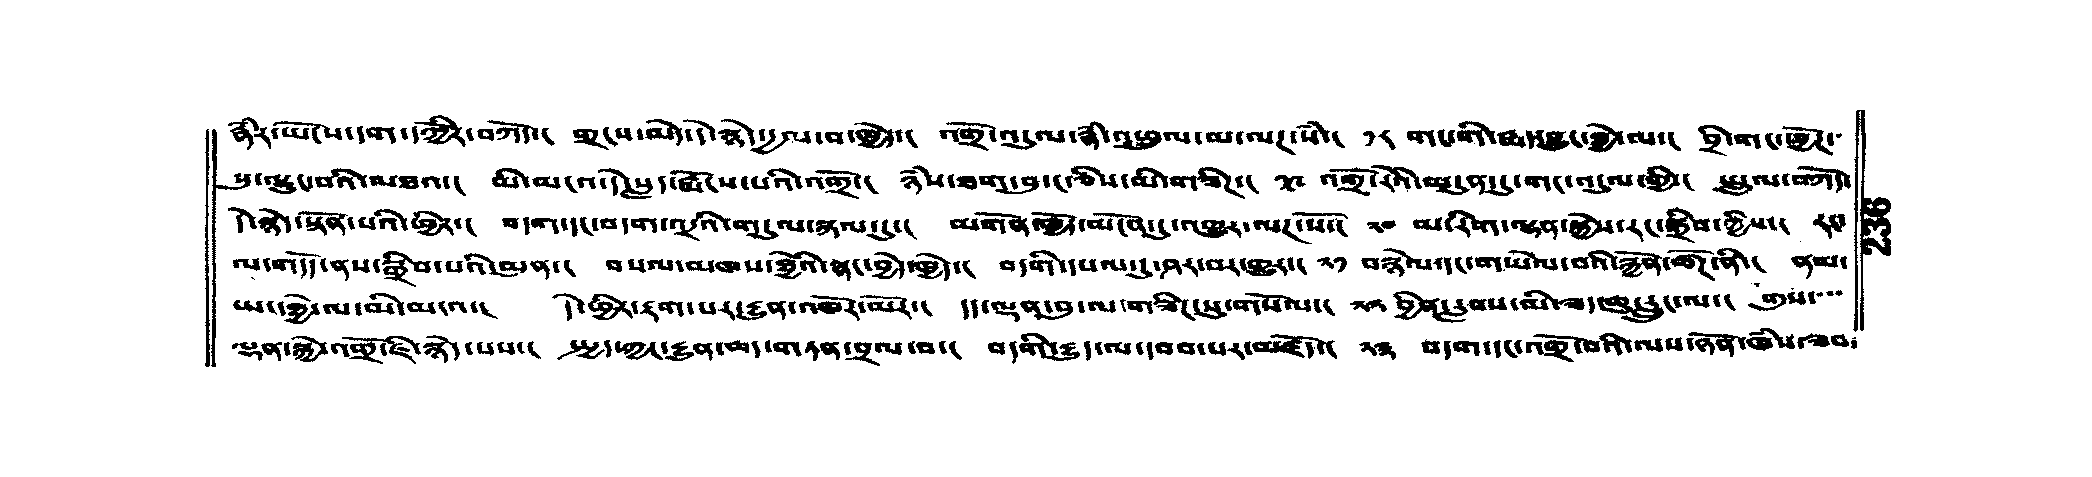།རྣམ་པར་ཡོངས་དག་དཀྱིལ་འཁོར་བཀོད། །གྲངས་མེད་དེ་སྙེད་རྒྱལ་བ་ཁྱེད། །འགྲོ་འདུལ་རྣམ་འཕྲུལ་མ་ལགས་སམ། ༡༨ །གང་གི་རྨད་བྱུང་ཐུགས་རྗེ་ལས། །བྲི་གང་ཕྱོགས་
སུ་ལྷུང་བའི་མཐའ། །མི་མངའ་དེ་སླད་རྨོངས་པའི་འགྲོ། །ཉམ་ཐག་བུ་ང་ཅིས་མི་གཟིགས། ༡༩ །འགྲོ་རེའི་མདུན་དུ་གང་འདུལ་གྱི། །སྤྲུལ་བཀོད་
དེ་སྙེད་སྟོན་པའི་ཕྱིར། །བདག་དང་བདག་འདྲའི་གདུལ་སྐལ་དུ། །མགོན་ཁྱོད་མངོན་དུ་འགྱུར་ལགས་སོ། ༢༠ །མ་རིག་ལྷན་སྐྱེས་རང་སྒྲིབ་ཀྱིས། །རང་
ལ་གདོད་ནས་སྒྲིབ་པའི་མུན། །བསལ་མཁས་ཐུགས་རྗེའི་སྣང་བྱེད་ཁྱེད། །བདག་གི་དཔལ་དུ་ཤར་བར་གྱུར། ༢༡ །བསྙེལ་དང་གཡེལ་བའི་སྐྱོན་ཚོགས་ནི། །ནམ་
ཡང་ཐུགས་རྗེ་ལ་མི་མངའ། །དེ་ཕྱིར་རྟག་པར་རྒྱུན་འཁོར་མོར། །དད་ལྡན་བུ་ལ་གཟིགས་སུ་གསོལ།༢༢ །བྱིན་རླབས་མི་ཟད་ཆུ་རླུང་ལ། །གུས་
ལྡན་སྐྱེ་འགྲོ་ཇི་སྙེད་པས། །སྤྱད་ཀྱང་རྒྱུན་ཆད་གཏན་བྲལ་བ། །བདག་གི་རྒྱུད་ལ་དབབ་པར་མཛོད། ༢༣ །བདག་དང་འགྲོ་བའི་ལས་ཉོན་ཁམས་ཟབ་